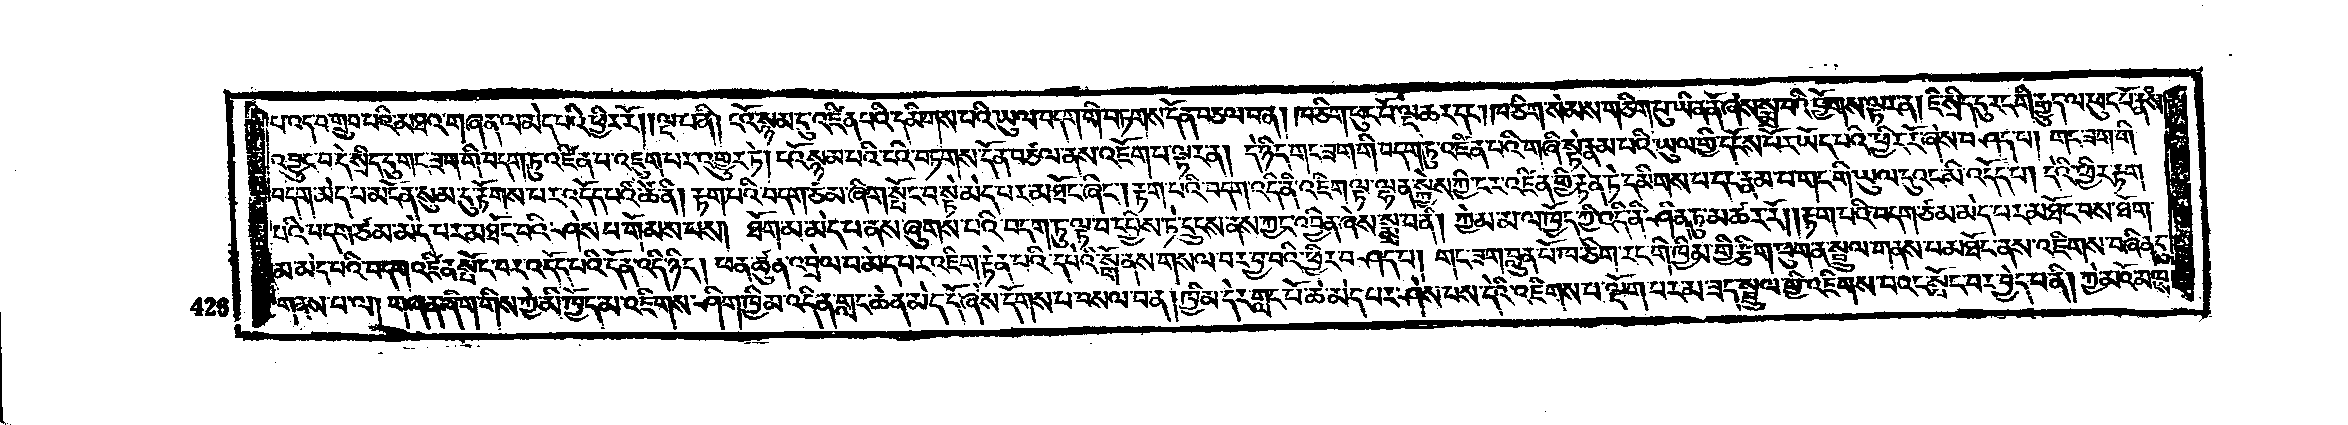པ་འདྲ་བ་གྲུབ་པའི་མཐའ་གཞན་ལ་མེད་པའི་ཕྱིར་རོ། །ལྔ་པ་ནི། ངའོ་སྙམ་དུ་འཛིན་པའི་དམིགས་པའི་ཡུལ་བདག་གི་བཏགས་དོན་བཙལ་བ་ན། ཁ་ཅིག་ཕུང་པོ་ལྔ་ཆར་དང་། ཁ་ཅིག་སེམས་གཅིག་པུ་ཡིན་ནོ་ཞེས་སྨྲ་བའི་ཕྱོགས་ལྟར་ན། ཇི་སྲིད་དུ་རང་གི་རྒྱུད་ལ་ཕུང་པོ་རྣམས་
འབྱུང་བ་དེ་སྲིད་དུ་གང་ཟག་གི་བདག་ཏུ་འཛིན་པ་འཇུག་པར་འགྱུར་ཏེ། ངའོ་སྙམ་པའི་ངའི་བཏགས་དོན་བཙལ་ནས་འཇོག་པ་ལྟར་ན། དེ་ཉིད་གང་ཟག་གི་བདག་ཏུ་འཛིན་པའི་གཞི་སྟེ་རྣམ་པའི་ཡུལ་གྱི་དངོས་པོར་ཡོད་པའི་ཕྱིར་རོ་ཞེས་བཤད་པ། གང་ཟག་གི་
བདག་མེད་པ་མངོན་སུམ་དུ་རྟོགས་པར་འདོད་པའི་ཚེ་ན། རྟག་པའི་བདག་ཙམ་ཞིག་སྤོང་བ་སྟེ་མེད་པར་མཐོང་ཞིང་། རྟག་པའི་བདག་འདི་ནི་འཇིག་ལྟ་ལྷན་སྐྱེས་ཀྱི་ངར་འཛིན་གྱི་རྟེན་ཏེ་དམིགས་པ་དང་རྣམ་པ་གང་གི་ཡུལ་དུའང་མི་འདོད་པ། དེའི་ཕྱིར་རྟག་
པའི་བདག་ཙམ་མེད་པར་མཐོང་བའི་ཤེས་པ་གོམས་པས། ཐོག་མ་མེད་པ་ནས་ཞུགས་པའི་བདག་ཏུ་ལྟ་བ་དཔྱིས་ཏེ་དྲུངས་ནས་ཀྱང་འབྱིན་ཞེས་སྨྲ་བ་ནི། ཀྱེ་མ་མ་ལ་ཁྱོད་ཀྱི་འདི་ནི་ཤིན་ཏུ་མཚར་རོ། །རྟག་པའི་བདག་ཙམ་མེད་པར་མཐོང་བས་ཐོག་
མ་མེད་པའི་བདག་འཛིན་སྤོང་བར་འདོད་པའི་དོན་འདི་ཉིད། ཕན་ཚུན་འབྲེལ་པ་མེད་པར་འཇིག་རྟེན་པའི་དཔེའི་སྒོ་ནས་གསལ་བར་བྱ་བའི་ཕྱིར་བཤད་པ། གང་ཟག་བླུན་པོ་ཁ་ཅིག་རང་གི་ཁྱིམ་གྱི་རྩིག་ཕུག་ན་སྦྲུལ་གནས་པ་མཐོང་ནས་འཇིགས་བཞིན་དུ་
གནས་པ་ལ། གཞན་ཞིག་གིས་ཀྱེ་མི་ཁྱོད་མ་འཇིགས་ཤིག་ཁྱིམ་འདི་ན་གླང་ཆེན་མེད་དོ་ཞེས་དོགས་པ་བསལ་བ་ན། ཁྱིམ་དེར་གླང་པོ་ཆེ་མེད་པར་ཤེས་པས་དེའི་འཇིགས་པ་ལྡོག་པར་མ་ཟད་སྦྲུལ་གྱི་འཇིགས་པའང་སྤོང་བར་བྱེད་པ་ནི། ཀྱེ་མའོ་མཁས་